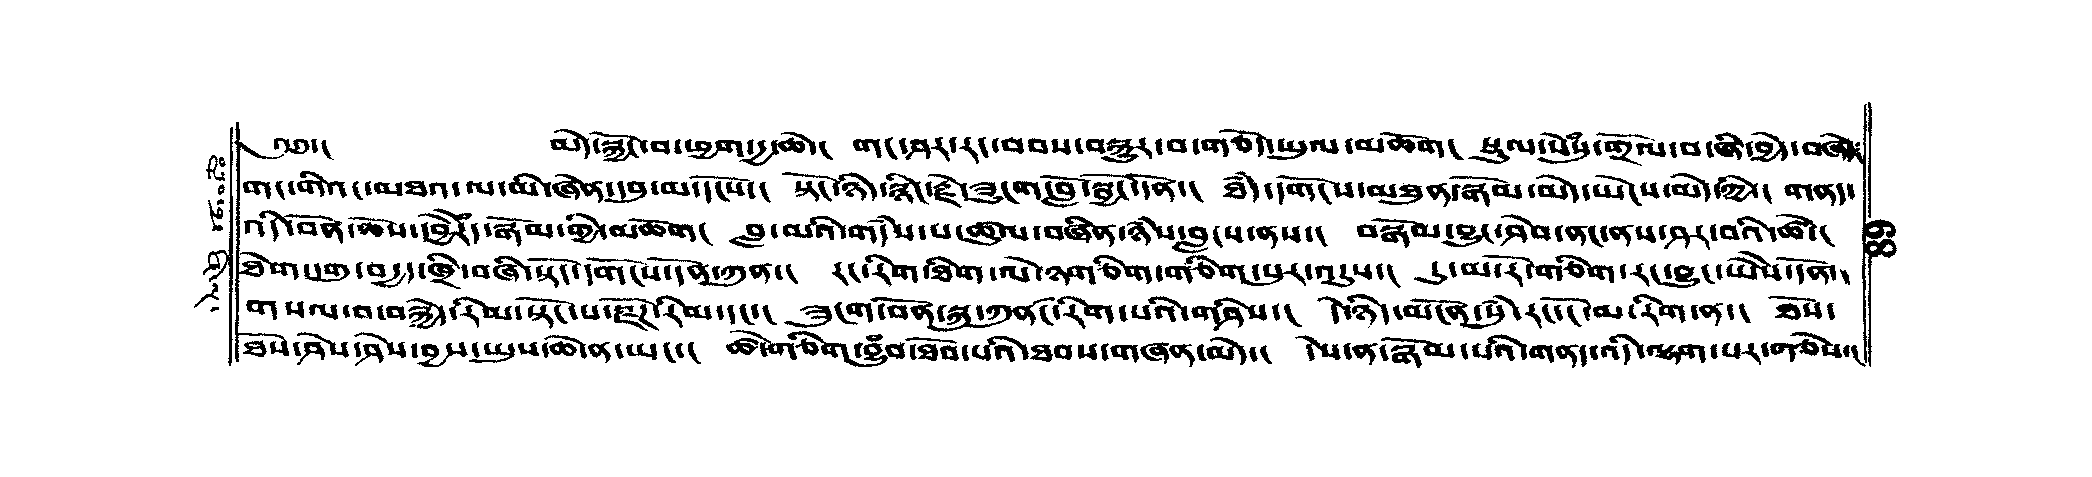མཻད་སྐྱོང་བ་ཕྱག་རྒྱ་ཆེ། །གང་ཤར་རང་བབས་བསྐྱུར་བ་གཅོད་ཡུལ་མཆོག་།སྡུག་བསྔལ་སེམས་སུ་གྲོལ་བ་ཞི་བྱེད་བཞེད། །
གང་གིའང་མཐའ་ལ་མི་ཞེན་དབུ་མ་དངོས། །སྟོང་ཉིད་རྙིང་རྗེ་ཟུང་འཇུག་བློ་སྦྱོང་དོན། །ཐམས་ཅད་དགོངས་མཐུན་སྒོམ་མེད་ཡེངས་མེད་ཀྱི། །གནད་
འདི་བོན་ཆོས་དབྱེར་མེད་སྒོམ་གྱི་མཆོག །བླ་མའི་གདམས་ངག་ཚུལ་བཞིན་ཉམས་བླང་ནས། །སྒོམ་བྱུང་ཤེས་རབ་ནང་ནས་ཤར་བའི་ཚེ། །
ཐེག་དགུ་བརྒྱད་བཞི་ཁྲི་སྟོང་དགོངས་དོན་ཀུན། །རང་རིག་ཐིག་ལེ་ཉག་ཅིག་གཅིག་པུར་འདུས། །དུ་མ་རོ་གཅིག་རང་བྱུང་ཡེ་ཤེས་དོན། །
གསལ་བ་བསྐྱེད་རིམ་སྟོང་པ་རྫོགས་རིམ་དང་། །ཟུང་འཇུག་བོན་སྐུ་ཀུན་བཟང་རིག་པའི་གཤིས། །དེ་ཉིད་མངོན་སུམ་རང་ངོ་མ་རིག་ན། །ཐོས་
ཐོས་ཤེས་ཤེས་བྱེད་ཡུས་ཆེ་ན་ཡང་། །ཚེ་གཅིག་བྱང་ཆུབ་ཐོབ་པའི་ཐབས་གཞན་མེད། །དེས་ན་སྒོམ་པའི་གནད་འདི་ལྷག་པར་གཅེས། །